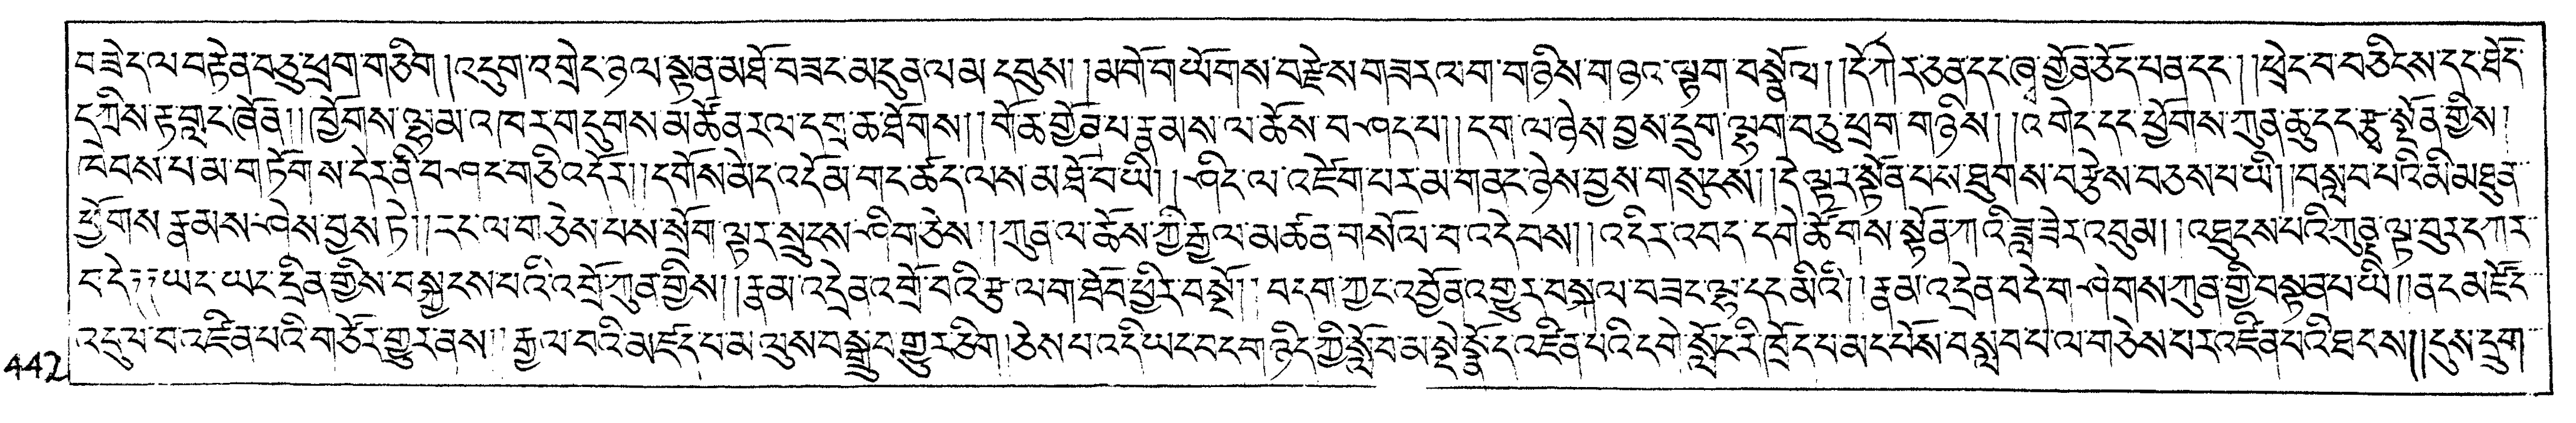བཟེད་ལ་བརྟེན་བཅུ་ཕྲག་གཅིག །འདུག་འགྲེང་ཉལ་སྟན་མཐོ་བཟང་མདུན་ལམ་དབུས། །མགོ་གཡོགས་བརྫེས་གཟར་ལག་གཉིས་གཉའ་ལྟག་བསྣོལ། །དོ་ཀེར་ཅན་དང་ཞྭ་གྱོན་ཅོད་པན་དང་། །ཕྲེང་བ་བཅིངས་དང་ཐོད་
དཀྲིས་རྟ་གླང་ཞོན། །ཁྱོགས་ལྷམ་འཁར་གདུགས་མཚོན་རལ་དགྲ་ཆ་ཐོགས། །གོ་ཆ་གྱོན་པ་རྣམས་ལ་ཆོས་བཤད་པ། །དག་ལ་ཉེས་བྱས་དྲུག་ལྷག་བཅུ་ཕྲག་གཉིས། །འགེང་དང་ཕྱོགས་ཀུན་ཆུ་དང་རྩྭ་སྔོན་གྱིས།
ཁེབས་པ་མ་གཏོགས་དེར་ནི་བཤད་གཅི་འདོར། །དགོས་མེད་འདོམ་གང་ཚད་ལས་མཐོ་བ་ཡི། །ཤིང་ལ་འཛེག་པར་མ་གནང་ཉེས་བྱས་གསུངས། །དེ་ལྟར་སྟོན་པས་ཐུགས་བརྩེས་བཅས་པ་ཡི། །བསླབ་པའི་མི་མཐུན་
ཕྱོགས་རྣམས་ཤེས་བྱས་ཏེ། །རང་ལ་གཅེས་པས་སྲོག་ལྟར་སྲུངས་ཤིག་ཅེས། །ཀུན་ལ་ཆོས་ཀྱི་རྒྱལ་མཚན་གསོལ་བ་འདེབས། །འདིར་འབད་དགེ་ཚོགས་སྟོན་ཀའི་ཟླ་ཟེར་འབུམ། །འཐུངས་པའི་ཀུནྡ་ལྟ་བུར་དཀར་
བ་དེ༑ ༑ཡང་ཡང་དྲིན་གྱིས་བསྐྱངས་པའི་འགྲོ་ཀུན་གྱིས། །རྣམ་འདྲེན་འགྲོ་བའི་རྩ་ལག་ཐོབ་ཕྱིར་བསྔོ། །བདག་ཀྱང་འབྱོན་འགྱུར་བསྐལ་བཟང་ལྷ་དང་མིའི། །རྣམ་འདྲེན་བདེ་གཤེགས་ཀུན་གྱི་བསྟན་པ་ཡི། །ནང་མཛོད་
འདུལ་བ་འཛིན་པའི་གཙོར་གྱུར་ནས། །རྒྱལ་བའི་མཛད་པ་མ་ལུས་བསྒྲུབ་གྱུར་ཅིག །ཅེས་པ་འདི་ཡང་བདག་ཉིད་ཀྱི་སློབ་མ་སྡེ་སྣོད་འཛིན་པའི་དགེ་སློང་རི་ཁྲོད་པ་མང་པོས་བསླབ་པ་ལ་གཅེས་པར་འཛིན་པའི་ཐབས། །དུས་དྲུག་